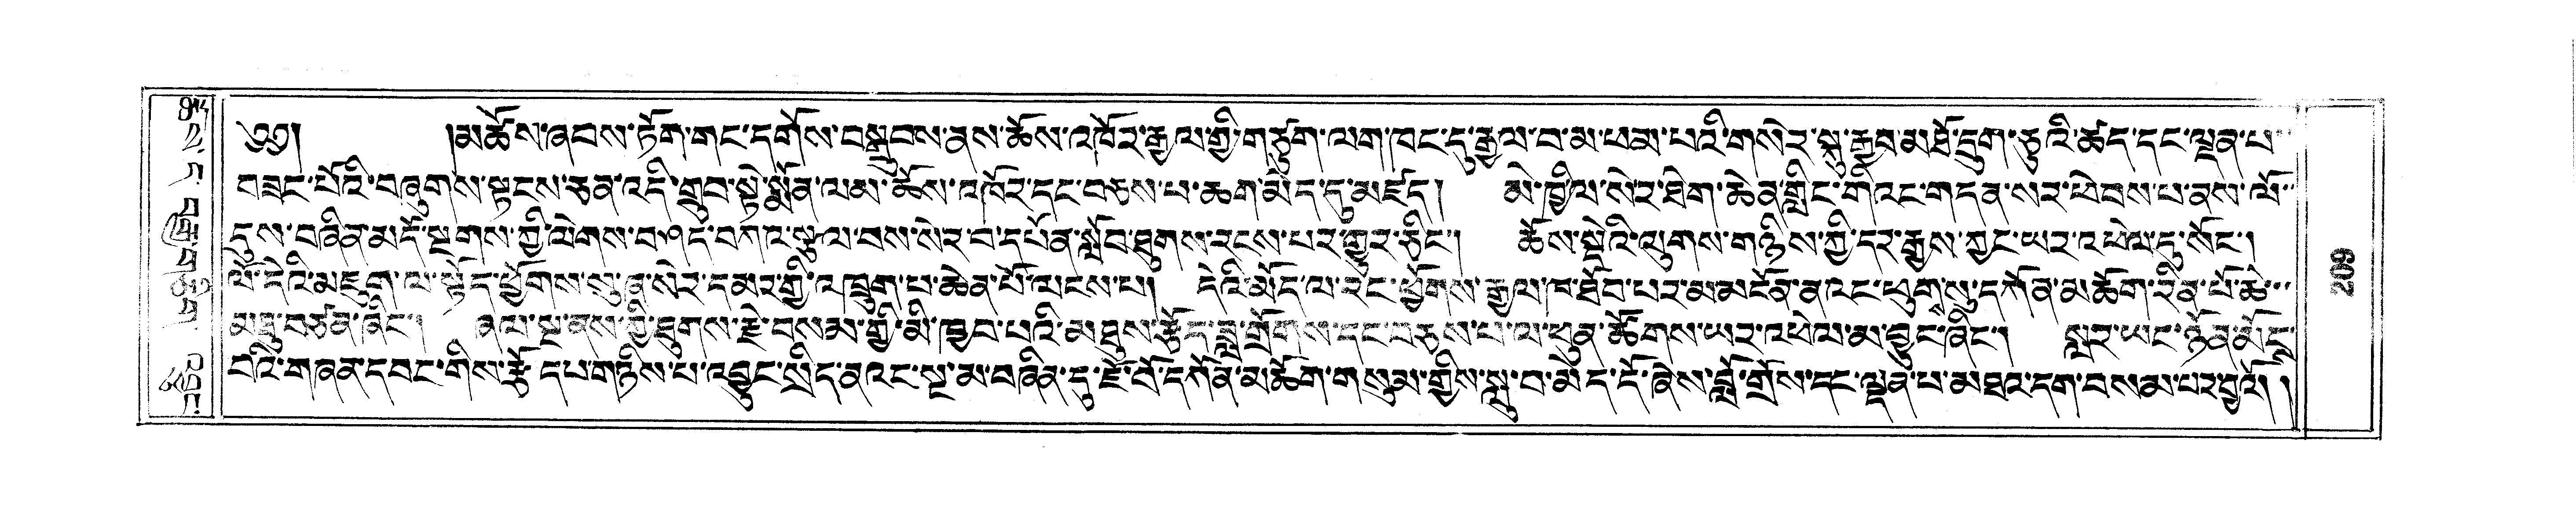༄༅། །མཚོས་ཞབས་ཏོག་གང་དགོས་བསྒྲུབས་ནས་ཆོས་འཁོར་རྒྱལ་གྱི་གཙུག་ལག་ཁང་དུ་རྒྱལ་བ་མ་ཕམ་པའི་གསེར་སྐུ་རྒྱབ་མཐོ་དྲུག་ཅུའི་ཚད་དང་ལྡན་པ་
བཟང་པོའི་བཞུགས་སྟངས་ཅན་འདི་གྲུབ་སྟེ་སྨོན་ལམ་ཆོས་འཁོར་དང་བཅས་པ་ཆག་མེད་དུ་མཛད། མེ་ཁྱི་ལ་སེར་ཐེག་ཆེན་གླིང་གིའང་གདན་སར་ཕེབས་པ་ནས་ལོ་
དུས་བཞིན་མདོ་སྔགས་ཀྱི་ལེགས་བཤད་བཀའ་སྩལ་བས་སེར་བ་དཔོན་སློབ་ཐུགས་རངས་པར་གྱུར་ཅིང་། ཆོས་སྡེའི་ལུགས་གཉིས་ཀྱི་དར་རྒྱས་ཀྱང་ཡར་འཕེལ་དུ་སོང་།
ལོ་དེའི་མཇུག་ལ་སྟོད་ཕྱོགས་སུ་ཞ་སེར་དམར་གྱི་འཁྲུག་པ་ཆེན་པོ་ལངས་པ། དེའི་མདོ་ལ་རང་ཕྱོགས་རྒྱལ་ཁ་ཐོབ་པར་མ་མངོན་ནའང་ཕུགས་སུ་དཀོན་མཆོག་རིན་པོ་ཆེ་
མཐུ་བཙན་ཞིང་། ཞལ་སྔ་ནས་ཀྱི་ཐུགས་རྗེ་བསམ་གྱི་མི་ཁྱབ་པའི་མཐུས་རྩོད་ཟླ་གྲོགས་དང་བཅས་པ་ལ་ཕུན་ཚོགས་ཡར་འཕེལ་མ་བྱུང་ཞིང་། སླར་ཡང་ཉོན་མོངས་
བའི་གཞན་དབང་གིས་རྩོད་པ་གཉིས་པ་འབྱུང་སྲིད་ནའང་སྔ་མ་བཞིན་དུ་ཇོ་བོ་དཀོན་མཆོག་གསུམ་གྱིས་སླུ་བ་མེད་དོ་ཞེས་བློ་གྲོས་དང་ལྡན་པ་མཐའ་དག་བསམ་པར་བྱའོ། །